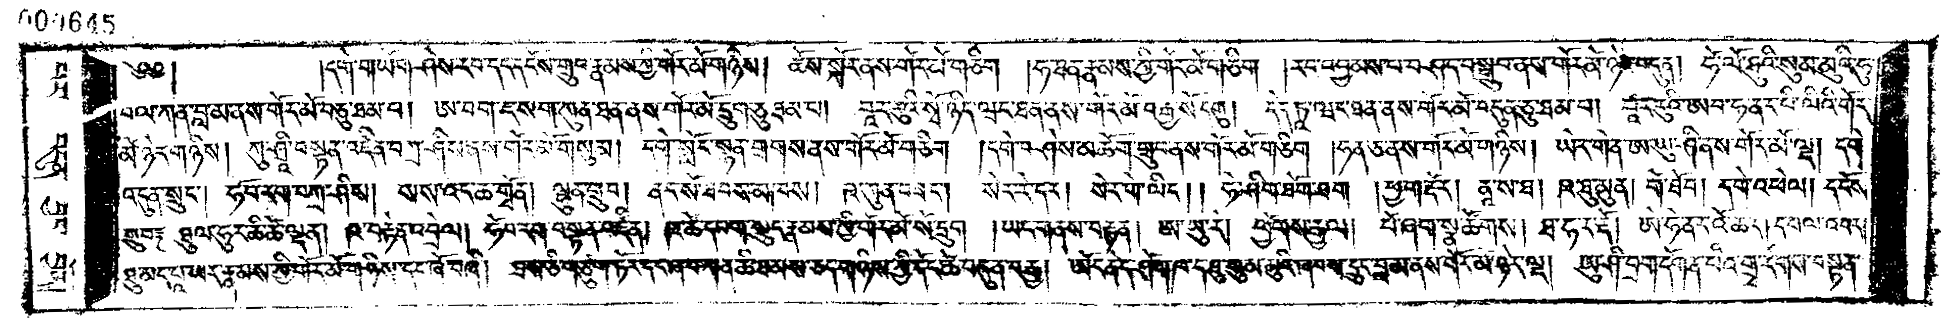༄༅། །དགེ་གཡོག་ཤེས་རབ་དང་དངོས་གྲུབ་རྣམས་ཀྱི་གོར་མོ་གཉིས། ཆོས་སྐོར་ནས་གོར་མོ་གཅིག །ཧ་ཐན་རྣམས་ཀྱི་གོར་མོ་གཅིག །རབ་འབྱམས་པ་བཤད་བསྒྲུབ་ནས་གོར་མོ་ཉེར་བདུན། ཧོ་ལོ་ཐུའི་སུམ་མུའི་ཧུ་
བལ་ཀན་བླ་མ་ནས་གོར་མོ་བཅུ་ཐམ་པ། ཨ་བག་ཇ་སག་ཀུན་ཐན་ནས་གོར་མོ་དྲུག་བཅུ་ཐམ་པ། བཱར་རུའི་སྭོ་ཉིད་ཝང་ཐན་ནས་གོར་མོ་བརྒྱ་སོ་དགུ། དེད་ཏཱ་ཝང་ཐན་ནས་གོར་མོ་བདུན་ཅུ་ཐམ་པ། བཱར་རུའི་ཨབ་ཧ་ནར་པི་ལིའི་གོར་
མོ་ཉེར་གཉིས། ཀུ་ཤྲཱི་བསྟན་འཛིན་བཀྲ་ཤིས་ནས་གོར་མོ་གསུམ། དགེ་སློང་སྙན་གྲགས་ནས་གོར་མོ་གཅིག །དགེ་བཤེས་མཆོག་གྲུབ་ནས་གོར་མོ་གཅིག །ཧན་ཅ་ནས་གོར་མོ་གཉིས། ཡེར་གེན་ཨ་ཡུ་ཤི་ནས་གོར་མོ་ལྔ། དགེ་
འདུན་སྲུང་། ཧོབ་རག་བཀྲ་ཤིས། སས་འང་ཆ་གྭོན། ལྷུན་གྲུབ། ནང་སོ་ཐབས་མཁས། ཥ་ཀུན་བཟང་། སེར་རེ་དར། སེར་གེ་ལིང་། །ཧེ་ཤིག་ཐོག་ཐག །ཕྱག་རྡོར། ནཱ་ས་ཐ། ཥ་ཐུ་མུན། གོ་ཐོབ། དགེ་འཕེལ། དངོས་
གྲུབ༑ ཐུལ་ཧུར་ཆི་ཚེ་ལྡན། ཥ་བརྟེན་འབྲེལ། ཧོབ་རག་བསྟན་འཛིན། ཥ་ཚེ་དཔག་སྲུང་རྣམས་ཀྱི་གོར་མོ་སོ་དྲུག །ཡང་གནས་བརྟན། ཨ་ཡུ་རེ། ཕྱོགས་རྒྱལ། པོ་ཞག་སྣ་ཚོགས། ཐ་ཧ་ར་རྡོ། ཨེ་ཧེ་ནར་འོ་ཆར། དཔལ་འབར།
ཐུ་མང་པཱ་ཡར་རྣམས་ཀྱི་གོར་མོ་གཉིས་དང་ཞོ་བཞི། ཐས་ཅི་གཙུག་ཏོར་དང་ཞབ་ཀན་ཆི་ཐམས་ཅད་གཉིས་ཀྱི་དོང་ཚེ་བདུན་བརྒྱ། ཨོང་ནེད་ཤོག་ཁ་ད་ཐུ་སུམ་མུའི་ཞབས་དྲུང་བླ་མ་ནས་གོར་མོ་ཉེར་ལྔ། ཨུ་ཤི་བྲག་དགོན་པའི་གྲྭ་རིགས་བསྟན་